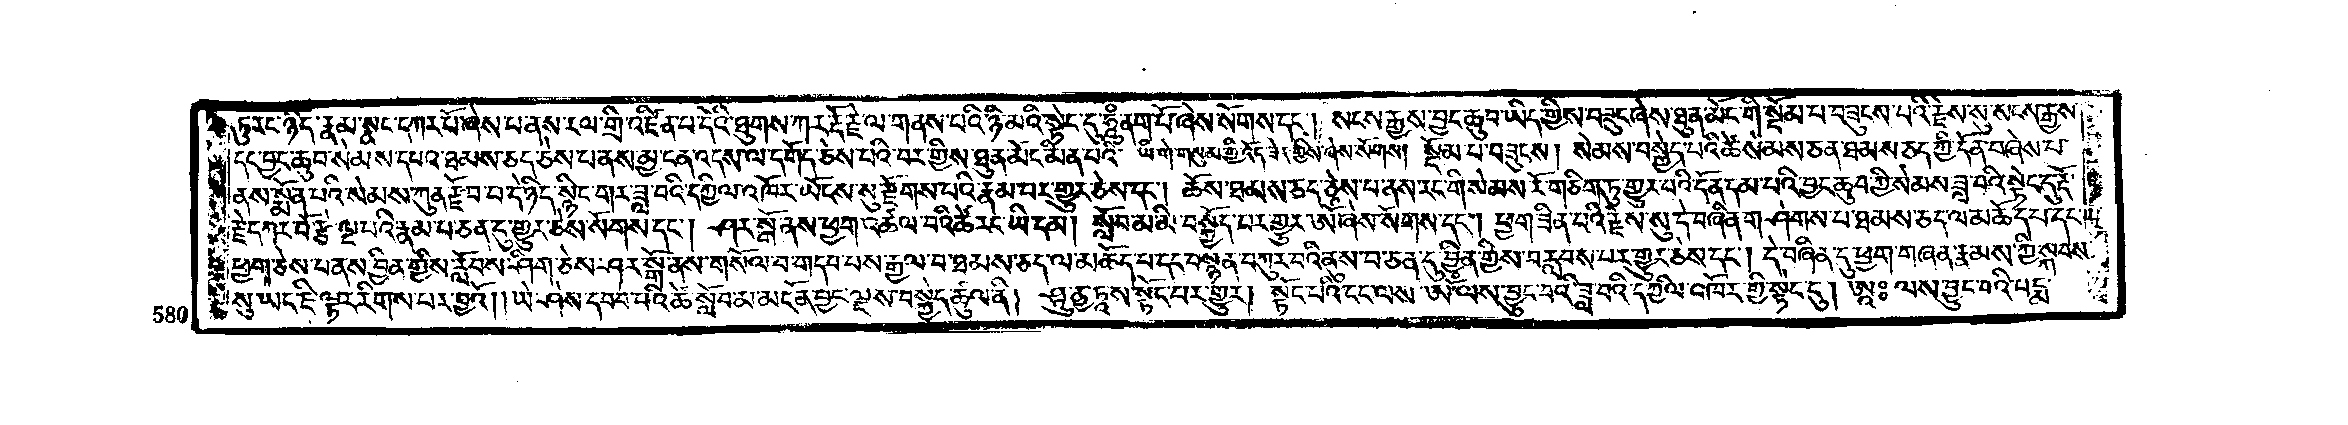ཏུ་རང་ཉིད་རྣམ་སྣང་དཀར་པོ་ཞེས་པ་ནས་རལ་གྲི་འཛིན་པ་དེའི་ཐུགས་ཀར་རྡོ་རྗེ་ལ་གནས་པའི་ཉི་མའི་སྟེང་དུ་ཧཱུཾ་ནག་པོ་ཞེས་སོགས་དང་། སངས་རྒྱས་བྱང་ཆུབ་ཡི་དཀྱིས་བཟུང་ཞེས་ཐུན་མོང་གི་སྡོམ་པ་བཟུངས་པའི་རྗེས་སུ་སངས་རྒྱས་
དང་བྱང་ཆུབ་སེམས་དཔའ་ཐམས་ཅད་ཅེས་པ་ནས་མྱ་ངན་འདས་ལ་དགོད་ཅེས་པའི་བར་གྱིས་ཐུན་མོང་མིན་པའི་ཡི་གེ་གསུམ་གྱི་འོད་ཟེར་གྱིས་ཞེས་སོགས། སྡོམ་པ་བཟུངས། སེམས་བསྐྱེད་པའི་ཚེ་སེམས་ཅན་ཐམས་ཅད་ཀྱི་དོན་དུ་ཞེས་པ་
ནས་སྨོན་པའི་སེམས་ཀུན་རྫོབ་པ་དེ་ཉིད་སྙིང་གར་ཟླ་བའི་དཀྱིལ་འཁོར་ཡོངས་སུ་རྫོགས་པའི་རྣམ་པར་གྱུར་ཅེས་དང་། ཆོས་ཐམས་ཅད་ཅེས་པ་ནས་རང་གི་སེམས་རོ་གཅིག་ཏུ་གྱུར་པའི་དོན་དམ་པའི་བྱང་ཆུབ་ཀྱི་སེམས་ཟླ་བའི་སྟེང་དུ་རྡོ་
རྗེ་དཀར་པོ་རྩེ་ལྔ་པའི་རྣམ་པ་ཅན་དུ་གྱུར་ཅེས་སོགས་དང་། ཤར་སྒོ་ནས་ཕྱག་འཚལ་བའི་ཚེ་རང་ཡི་དམ། སློབ་མ་མི་བསྐྱོད་པར་གྱུར་ཨོཾ་ཞེས་སོགས་དང་། ཕྱག་ཟིན་པའི་རྗེས་སུ་དེ་བཞིན་གཤེགས་པ་ཐམས་ཅད་ལ་མཆོད་པ་དང་
ཕྱག་ཅེས་པ་ནས་བྱིན་གྱིས་རློབས་ཤིག་ཅེས་ཤར་སྒོ་ནས་གསོལ་བ་གདབ་པས་རྒྱལ་བ་ཐམས་ཅད་ལ་མཆོད་པ་དང་བསྙེན་བཀུན་བའི་ནུས་པ་ཅན་དུ་བྱིན་གྱིས་བརླབས་པར་གྱུར་ཅེས་དང་། དེ་བཞིན་དུ་ཕྱག་གཞན་ནམས་ཀྱི་སྐབས་
སུ་ཡང་ཇི་ལྟར་རིགས་པར་བྱའོ། །ཡེ་ཤེས་དབབ་པའི་ཚེ་སློབ་མ་མངོན་བྱང་ལྔས་བསྐྱེད་ཚུལ་ནི། ཤཱུ་ནྱ་ཏཱ་ས་སྟོང་པར་གྱུར། སྟོང་པའི་ངང་ལས་ཨོཾ་ལས་བྱུང་བའི་ཟླ་བའི་དཀྱིལ་འཁོར་གྱི་སྟེང་དུ། ཨཱཿ ལས་བྱུང་བའི་པདམ་